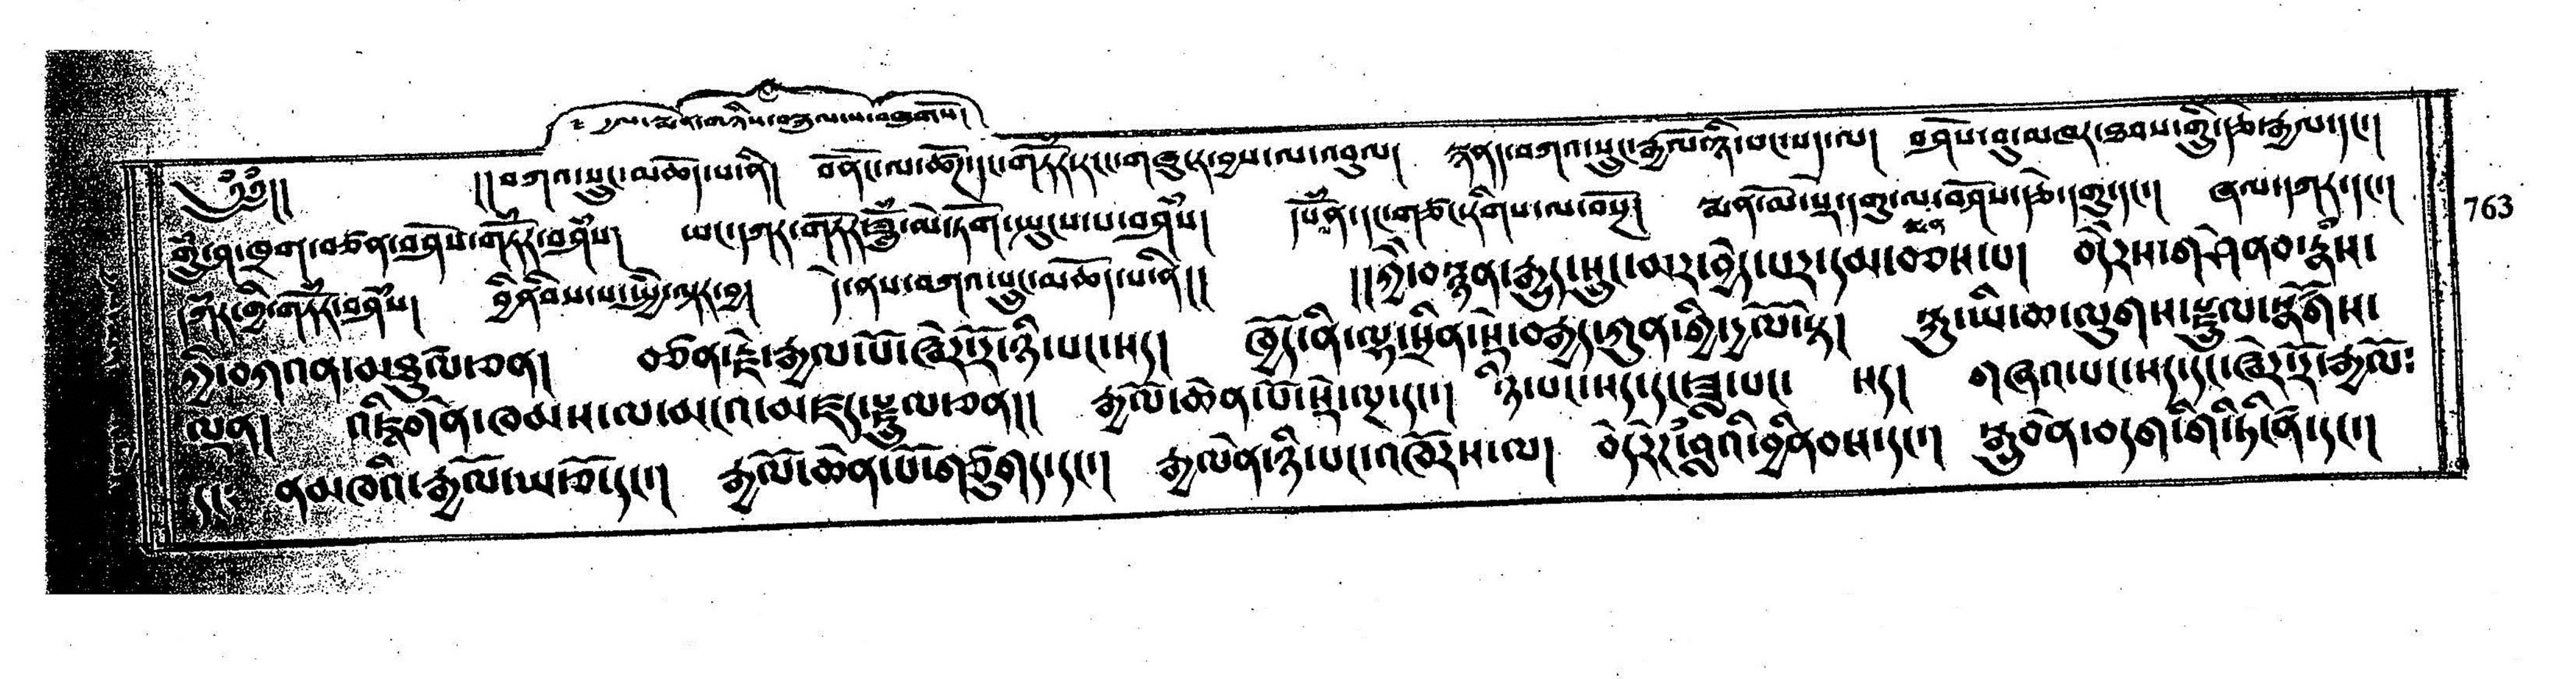༼རྒྱལ་སྨན་གཉིས་བསྐུལ་པ་བཞུགས་སོ།༽༄༅།། །།བཀའ་སྲུང་མཆོད་པ་ནི། བོན་སྐྱོངས་ལ་ཚོགས་དང་གཏོར་མ་རང་རང་གཞུང་ལྟར་བྱས་ལ་འབུལ། སྙན་བརྒྱུད་བཀའ་སྲུང་རྒྱལ་པོ་ཉི་པང་སད་ལ། བཤོས་བུ་མཁར་ཐབས་གྲུ་བཞི་རྩེ་རྒྱལ་དང་། 
གྲུ་བཞི་ཤ་ཁྲག་བཙན་བཤོས་གཏོར་མ་བཤམས། ཡང་དཀར་གཏོར་ཟླུམ་པོ་མེ་ཏོག་སྤུངས་པ་བཤམས། དཔལ་མགོན་དང་གཙང་རིགས་ལ་བསྔོ། སྨན་མོ་སྡེ་དགུ་ལ་སྨན་བཤོས་རྩེ་དགུ་དང་། ཞལ་དཀར་དང་། 
དཀར་གསུམ་གྱི་གཏོར་མ་བཤམས། བྱིན་གྱིས་རླབས་སྤྱི་ལྟར་བྱ། དེ་ནས་བཀའ་སྲུང་མཆོད་པ་ནི།། །།ཀྱཻ་བསྙན་རྒྱུད་སྲུང་མར་བྱེད་པར་དམ་བཅས་པ། བདེར་གཤེགས་གཤེན་རབ་རྣམས་
ཀྱི་བཀའ་ཉན་མཐུ་རྩལ་ཅན། བཙན་རྗེ་རྒྱལ་པོ་ཝེར་རོ་ཉི་པང་སད། ཁྱོད་ནི་ལྷ་སྲིན་སྡེ་བརྒྱད་ཀུན་གྱི་རྒྱལ་པོ་སྟེ། སྐུ་ཡི་ཆ་ལུགས་རྫུ་འཕྲུལ་སྣ་ཚོགས་
ལྡན། འཇིག་རྟེན་ཁམས་ལ་མངའ་མཛད་རྫུ་འཕྲུལ་ཅན།། རྒྱལ་པོ་ཆེན་པོ་སྡེ་ལྔ་དང་། ཉི་པང་སད་དང་ཟླ་པང་སད། གཞའ་པང་སད་དང་ཝེར་རོ་རྒྱལ་པོ་
དང་། ནམ་མཁའི་རྒྱལ་པོ་ཡ་ཅོ་དང་། རྒྱལ་པོ་ཆེན་པོ་གཙུག་ཕུད་དང་། རྒྱལ་ཆེན་ཉི་པང་འཁོར་བཅས་ལ། བདེར་གཤེགས་བླ་མའི་བྱིན་རླབས་དང་། སྒྲུབ་གཤེན་བདག་གི་ཏིང་འཛིན་དང་།